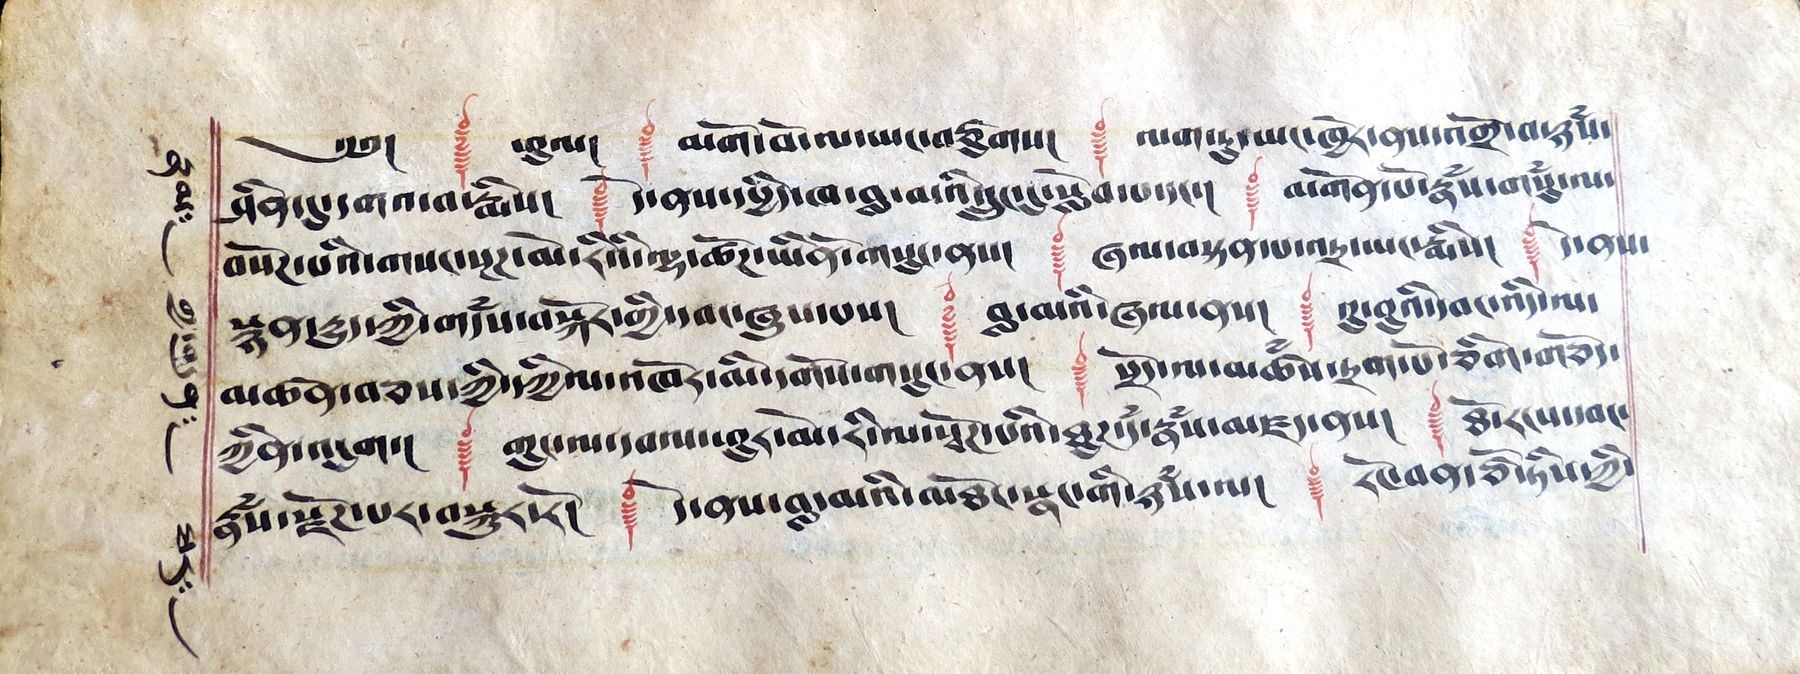ཕུལ། མགོ་བོ་ལ་ཡང་བཙུགས། ལག་ཏུ་ཡང་ཁྱེར་ནས་འགྲོ་སྙམ་
ཤིན་ཏུ་དགའ་བ་རྨིས། དེ་ནས་དཔྱིད་ཁ་བླ་མའི་དྲུང་དུ་སླེབས་པ་དང་། མགོན་པོ་རྣམ་གསུམ་ལས་
སོགས་པའི་གསང་སྔགས་མེ་རིའི་ལྷ་ཚོགས་ཡིན་ནོ་གསུངས་ནས། ཞལ་བསྟན་པ་འདྲ་ཡང་རྨིས། དེ་ནས་
སྙན་རྒྱུད་ཀྱི་གདམས་སྐོར་གྱི་དབང་ཞུས་པས། བླ་མའི་ཞལ་ནས། འུ་བུའི་དབང་འདི་ལ་
མཚན་བཅས་ཀྱི་དཀྱིལ་འཁོར་མི་དགོས་གསུངས་ནས། སྲོད་ལ་མཚམས་དྲག་པོ་ཞིག་གཅོད་
ཀྱིན་འདུག གུང་ལ་དབལ་ཕུར་མེ་རི་ལས་སོགས་པའི་ཐུགས་དམ་རྣམས་མཛད་ནས། ཐོ་རེངས་དབང་
རྣམས་རྫོགས་པར་བསྐུར་རོ། ། དེ་ནས་བླ་མའི་མཐོང་སྣང་གི་ཉམས་ལ། རོང་བན་ཙོ་ཏིས་ཀྱི་